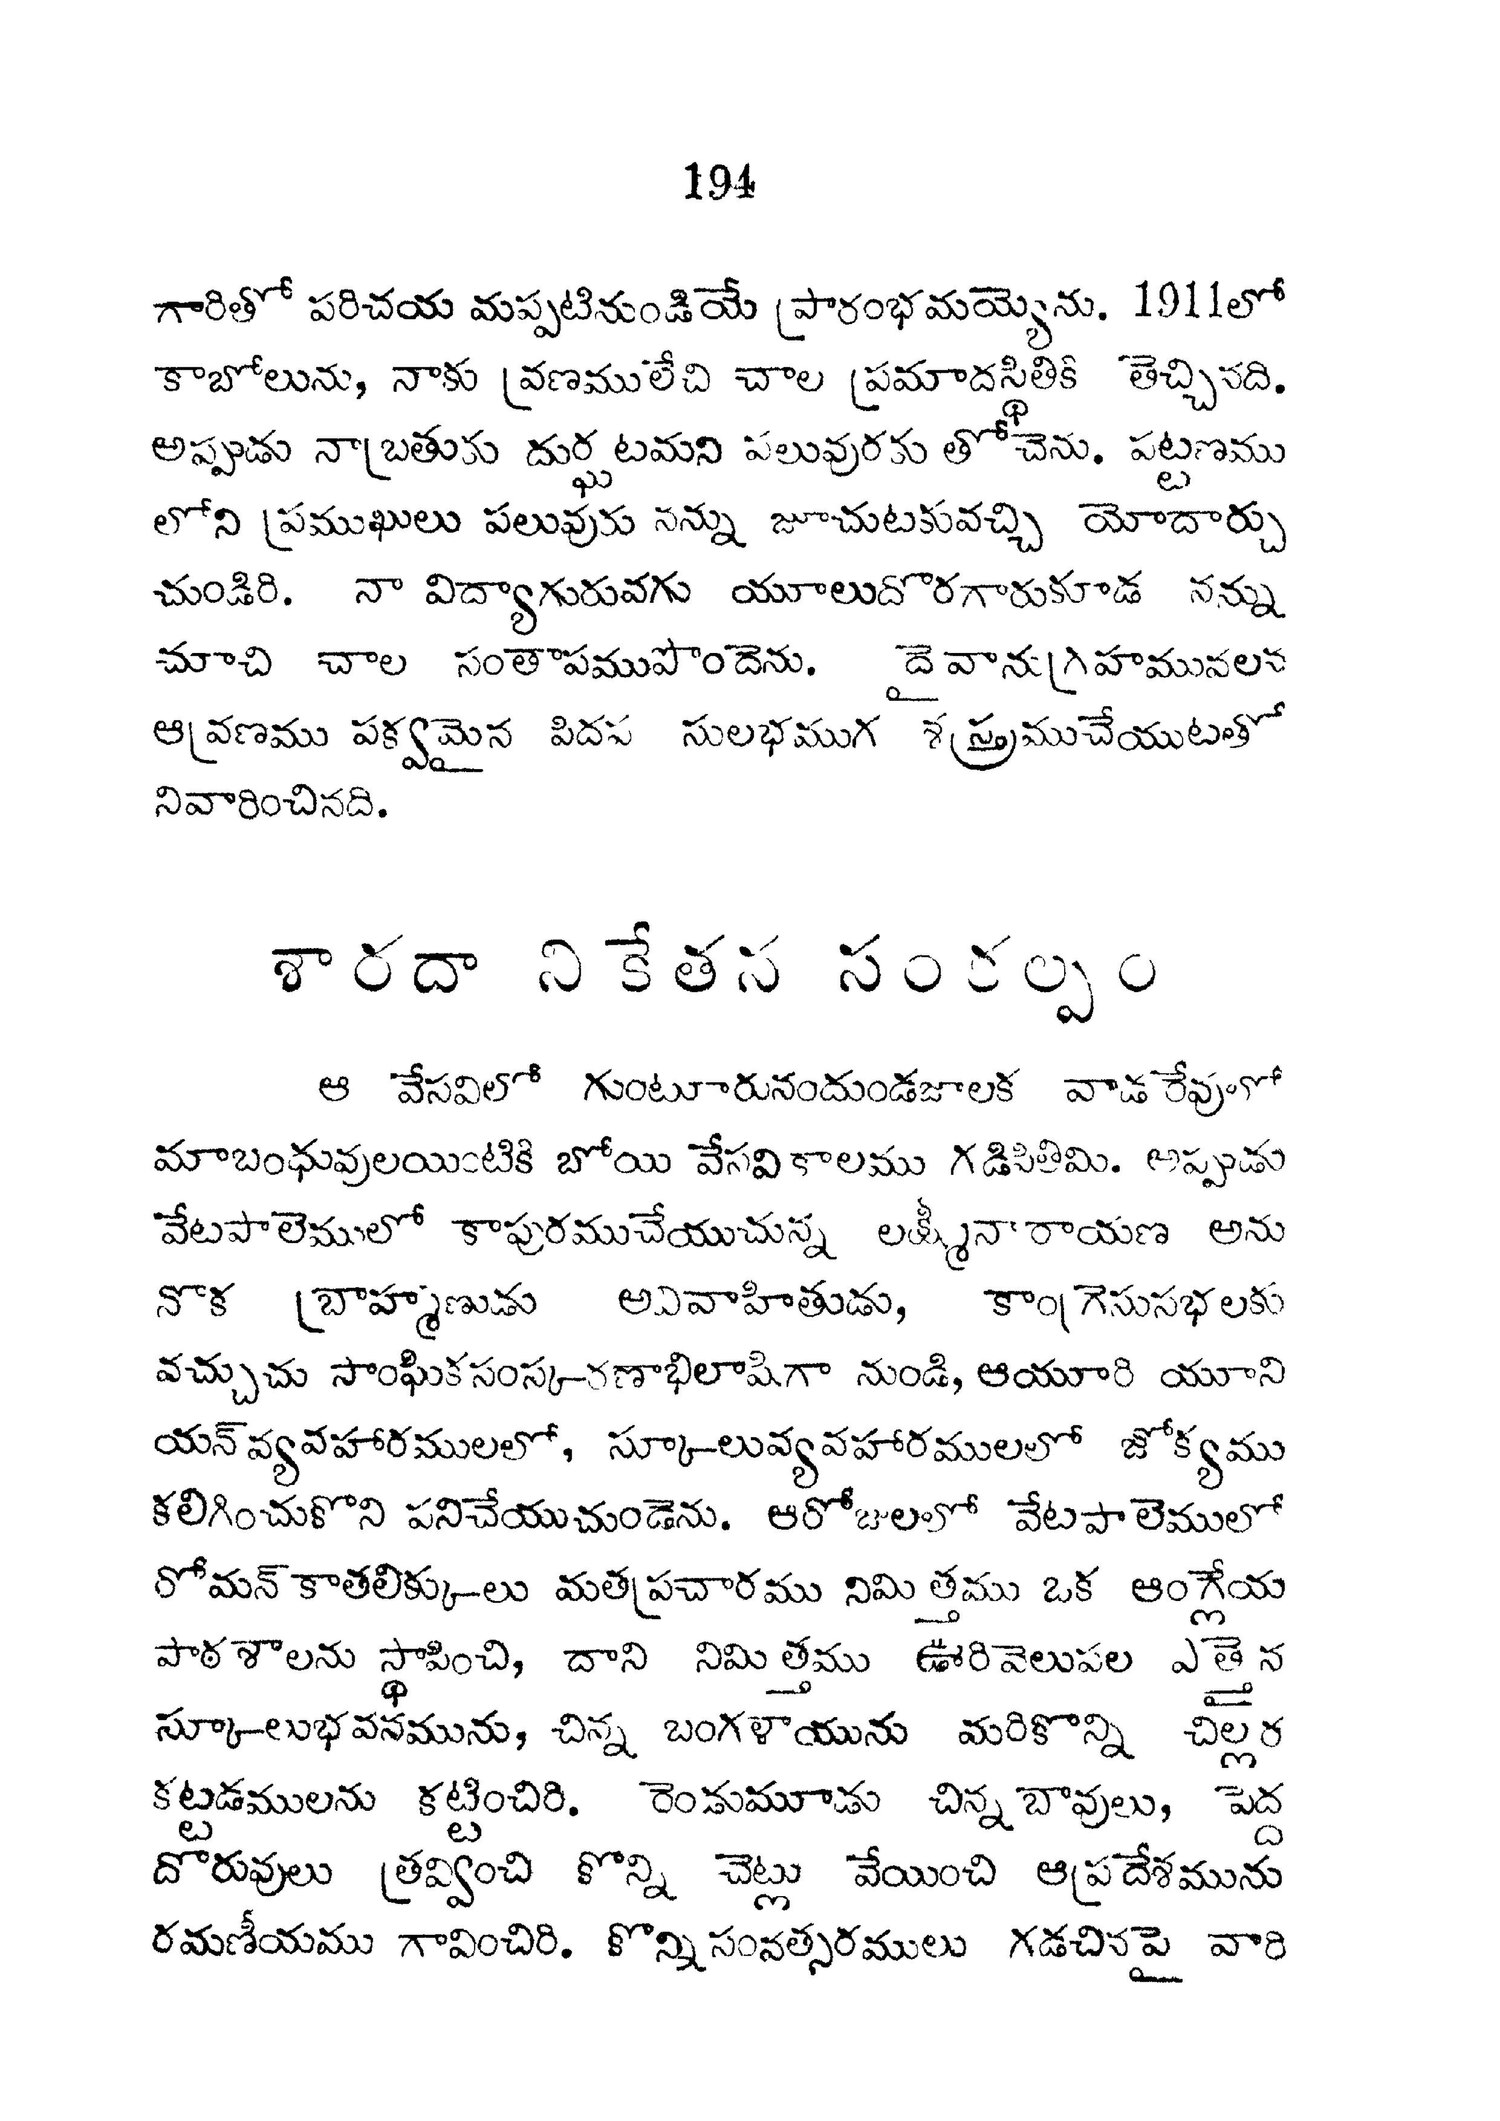గారితో పరిచయ మప్పటినుండియే ప్రారంభమయ్యెను. 1911లో కాబోలును, నాకు వ్రణములేచి చాల ప్రమాదస్థితికి తెచ్చినది. అప్పుడు నాబ్రతుకు దుర్ఘటమని పలువురకు తోచెను. పట్టణములోని ప్రముఖులు పలువురు నన్ను జూచుటకువచ్చి యోదార్చుచుండిరి. నా విద్యాగురువగు యూలుదొరగారుకూడ నన్ను చూచి చాల సంతాపముపొందెను. దైవానుగ్రహమువలన ఆవ్రణము పక్వమైన పిదప సులభముగ శస్త్రముచేయుటతో నివారించినది.

ఆ వేసవిలో గుంటూరునందుండజాలక వాడరేవులో మాబంధువులయింటికి బోయి వేసవికాలము గడిపితిమి. అప్పుడు వేటపాలెములో కాపురముచేయుచున్న లక్ష్మీనారాయణ అను నొక బ్రాహ్మణుడు అవివాహితుడు, కాంగ్రెసుసభలకు వచ్చుచు సాంఘికసంస్కరణాభిలాషిగా నుండి, ఆయూరి యూనియన్ వ్యవహారములలో, స్కూలువ్యవహారములలో జోక్యము కలిగించుకొని పనిచేయుచుండెను. ఆరోజులలో వేటపాలెములో రోమన్ కాతలిక్కులు మతప్రచారము నిమిత్తము ఒక ఆంగ్లేయ పాఠశాలను స్థాపించి, దాని నిమిత్తము ఊరివెలుపల ఎత్తైన స్కూలుభవనమును, చిన్న బంగళాయును మరికొన్ని చిల్లర కట్టడములను కట్టించిరి. రెండుమూడు చిన్న బావులు, పెద్ద దొరువులు త్రవ్వించి కొన్ని చెట్లు వేయించి ఆప్రదేశమును రమణీయము గావించిరి. కొన్నిసంవత్సరములు గడచినపై వారి